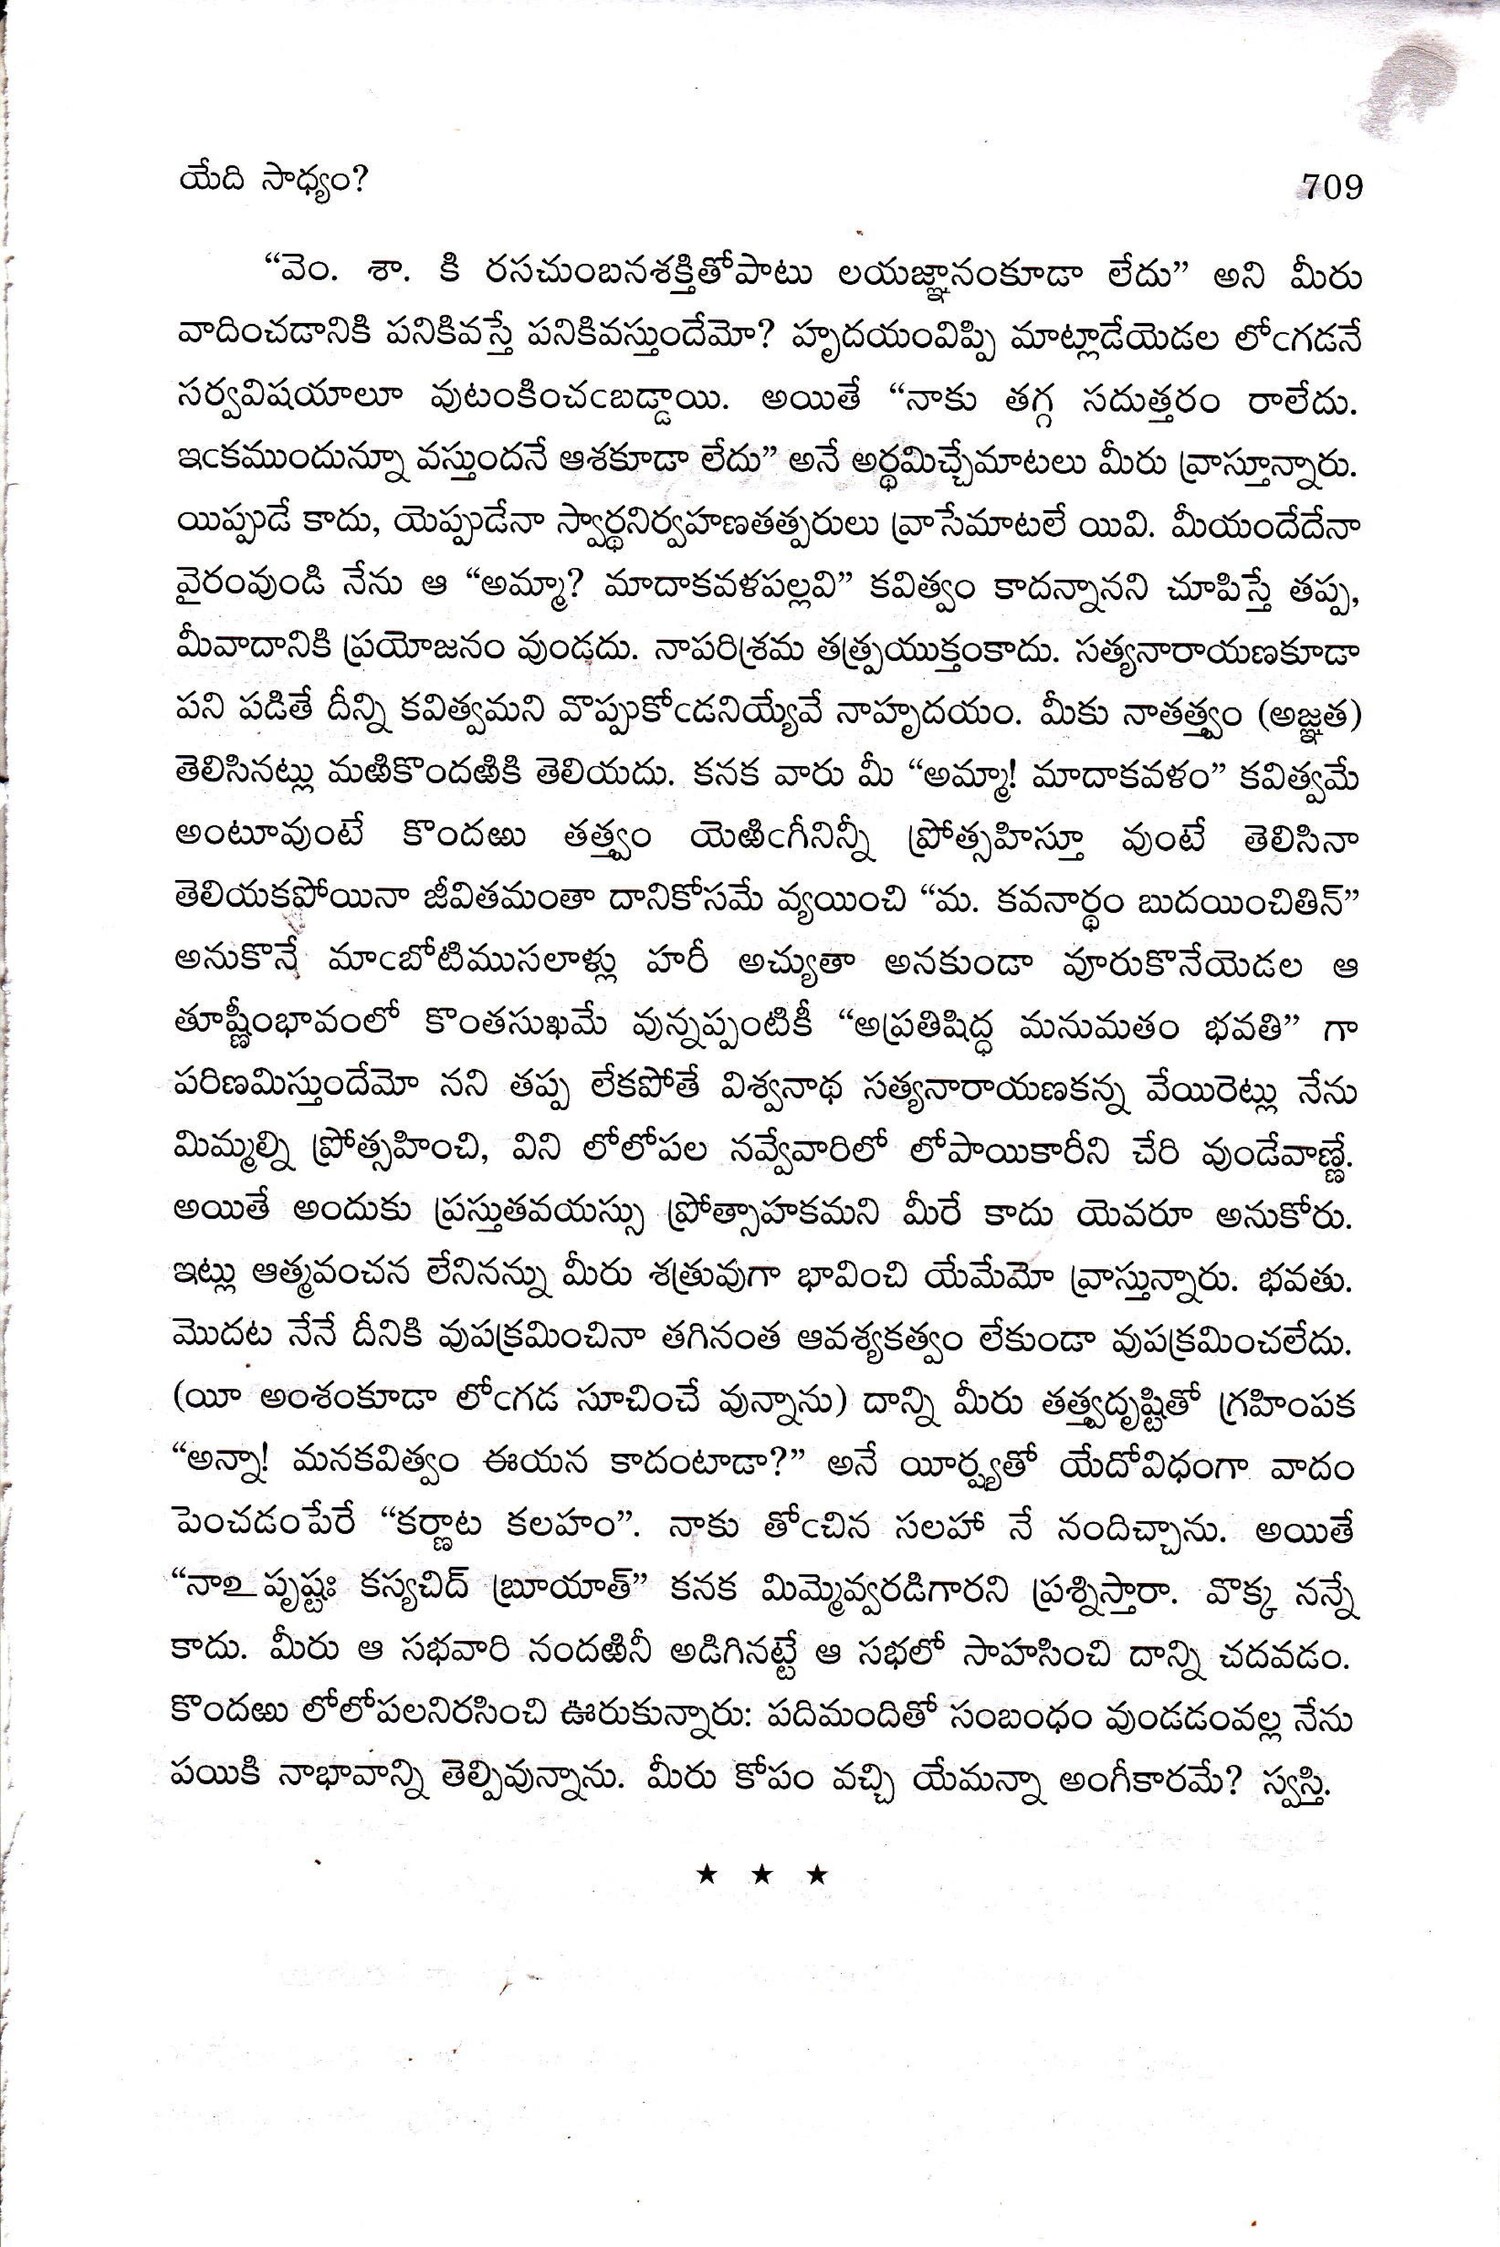"వెం. శా. కి రసచుంబనశక్తితోపాటు లయజ్ఞానంకూడా లేదు" అని మీరు వాదించడానికి పనికివస్తే పనికివస్తుందేమో? హృదయంవిప్పి మాట్లాడేయెడల లోఁగడనే సర్వవిషయాలూ వుటంకించఁబడ్డాయి. అయితే “నాకు తగ్గ సదుత్తరం రాలేదు. ఇఁకముందున్నూ వస్తుందనే ఆశకూడా లేదు" అనే అర్థమిచ్చేమాటలు మీరు వ్రాస్తూన్నారు. యిప్పుడే కాదు, యెప్పుడేనా స్వార్ధనిర్వహణతత్పరులు వ్రాసేమాటలే యివి. మీయందేదేనా వైరంవుండి నేను ఆ “అమ్మా మాదాకవళపల్లవి" కవిత్వం కాదన్నానని చూపిస్తే తప్ప, మీవాదానికి ప్రయోజనం వుండదు. నాపరిశ్రమ తత్ప్రయుక్తంకాదు. సత్యనారాయణకూడా పని పడితే దీన్ని కవిత్వమని వొప్పుకోఁడనియ్యేవే నాహృదయం. మీకు నాతత్త్వం (అజ్ఞత) తెలిసినట్లు మఱికొందఱికి తెలియదు. కనక వారు మీ "అమ్మా! మాదాకవళం" కవిత్వమే అంటూవుంటే కొందఱు తత్త్వం యెఱిఁగీనిన్నీ ప్రోత్సహిస్తూ వుంటే తెలిసినా తెలియకపోయినా జీవితమంతా దానికోసమే వ్యయించి “మ. కవనార్ధం బుదయించితిన్" అనుకొనే మాఁబోటిముసలాళ్లు హరీ అచ్యుతా అనకుండా వూరుకొనేయెడల ఆ తూష్ణీంభావంలో కొంతసుఖమే వున్నప్పంటికీ "అప్రతిషిద్ధ మనుమతం భవతి" గా పరిణమిస్తుందేమో నని తప్ప లేకపోతే విశ్వనాథ సత్యనారాయణకన్న వేయిరెట్లు నేను మిమ్మల్ని ప్రోత్సహించి, విని లోలోపల నవ్వేవారిలో లోపాయికారీని చేరి వుండేవాణ్ణే. అయితే అందుకు ప్రస్తుతవయస్సు ప్రోత్సాహకమని మీరే కాదు యెవరూ అనుకోరు.
ఇట్లు ఆత్మవంచన లేనినన్ను మీరు శత్రువుగా భావించి యేమేమో వ్రాస్తున్నారు. భవతు. మొదట నేనే దీనికి వుపక్రమించినా తగినంత ఆవశ్యకత్వం లేకుండా వుపక్రమించలేదు. (యీ అంశంకూడా లోఁగడ సూచించే వున్నాను) దాన్ని మీరు తత్త్వదృష్టితో గ్రహింపక “అన్నా! మనకవిత్వం ఈయన కాదంటాడా?" అనే యీర్ష్యతో యేదోవిధంగా వాదం పెంచడంపేరే "కర్ణాట కలహం". నాకు తోఁచిన సలహా నే నందిచ్చాను. అయితే “నా౽పృష్టః కస్యచిద్ బ్రూయాత్" కనక మిమ్మెవ్వరడిగారని ప్రశ్నిస్తారా. వొక్క నన్నే కాదు. మీరు ఆ సభవారి నందఱినీ అడిగినట్టే ఆ సభలో సాహసించి దాన్ని చదవడం. కొందఱు లోలోపలనిరసించి ఊరుకున్నారు; పదిమందితో సంబంధం వుండడంవల్ల నేను పయికి నాభావాన్ని తెల్పివున్నాను. మీరు కోపం వచ్చి యేమన్నా అంగీకారమే? స్వస్తి.